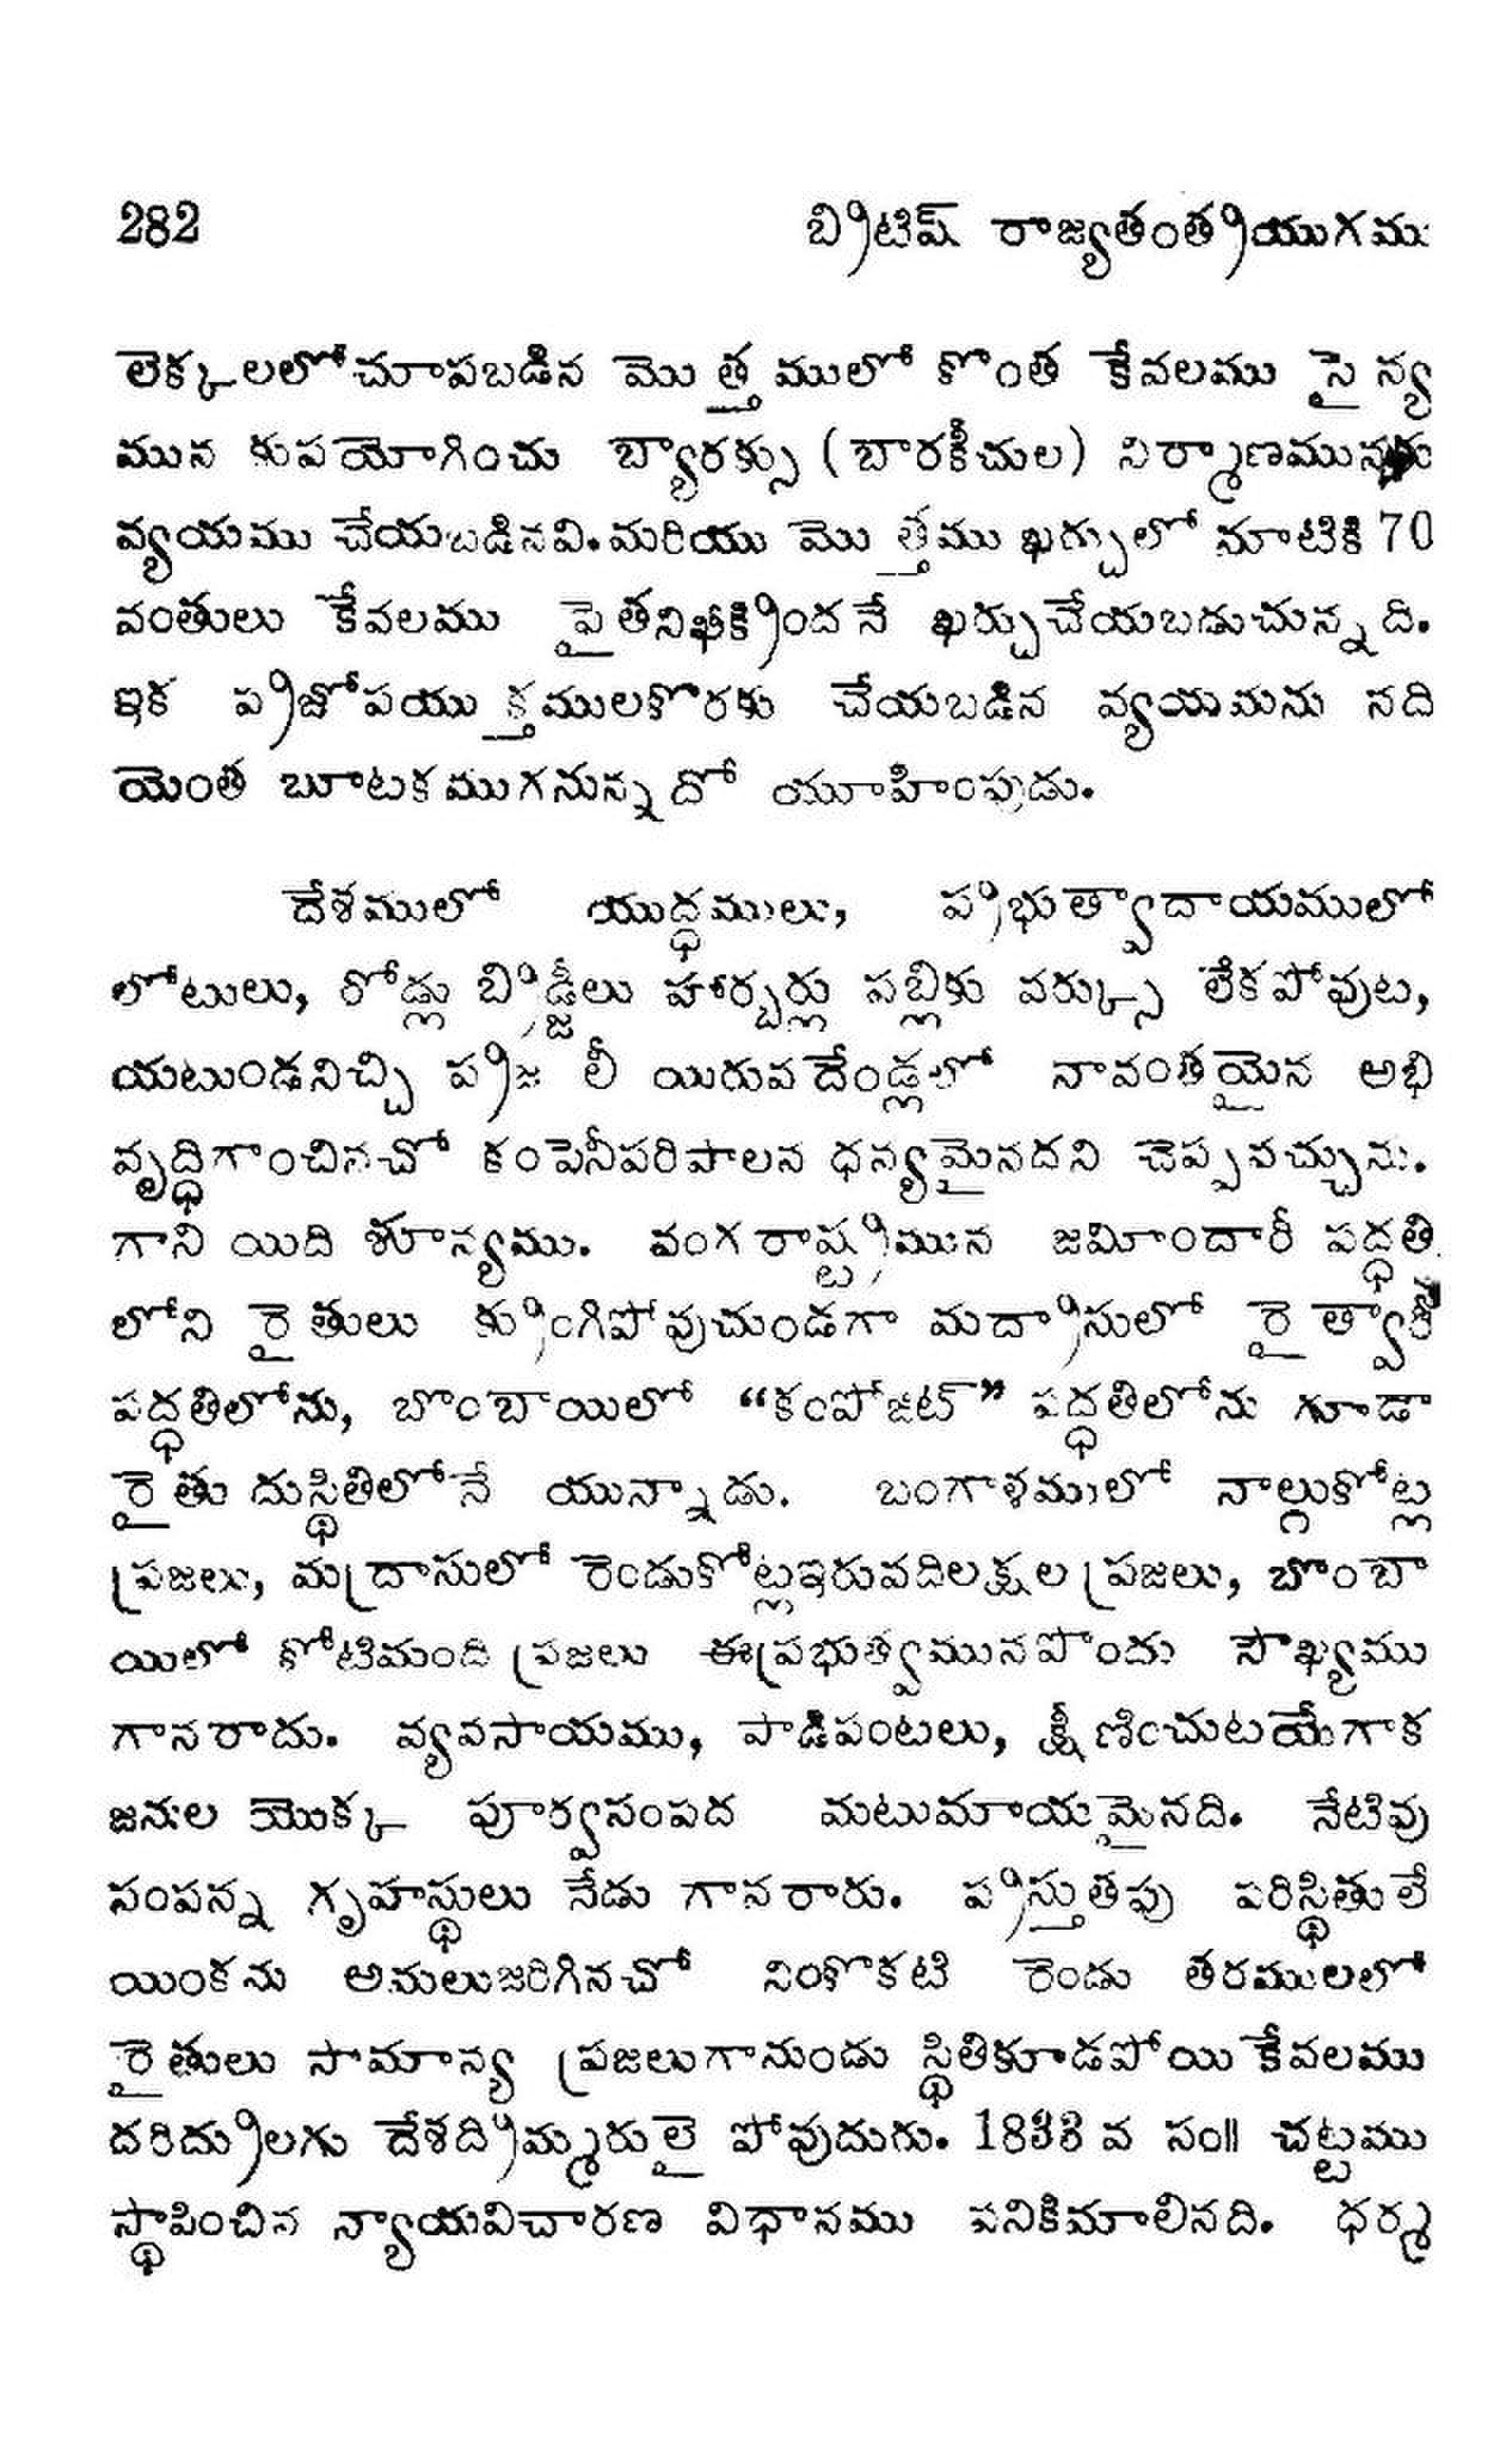లెక్కలలోచూపబడిన మొత్తములో కొంత కేవలము సైన్యమున కుపయోగించు బ్యారక్సు (బారకీచుల) నిర్మాణమునకు వ్యయము చేయబడినవి. మరియు మొత్తము ఖర్చులో నూటికి 70 వంతులు కేవలము పైతనిఖీక్రిందనే ఖర్చుచేయబడుచున్నది. ఇక ప్రజోపయుక్తములకొరకు చేయబడిన వ్యయమను నది యెంత బూటకముగనున్నదో యూహింపుడు. 

దేశములో యుద్దములు, ప్రభుత్వాదాయములో లోటులు, రోడ్లు బ్రిడ్జీలు హార్బర్లు పబ్లికు వర్క్సు లేకపోవుట, యటుండనిచ్చి ప్రజ లీ యిరువదేండ్లలో నావంతయైన అభివృద్ధిగాంచినచో కంపెనీపరిపాలన ధన్యమైనదని చెప్పవచ్చును.. గాని యిది శూన్యము. వంగరాష్ట్రమున జమీందారీ పద్ధతిలోని రైతులు క్రుంగిపోవుచుండగా మద్రాసులో రైత్వారి పద్ధతిలోను, బొంబాయిలో “కంపోజిట్" పద్దతిలోను గూడా రైతు దుస్థితిలోనే యున్నాడు. బంగాళములో నాల్గుకోట్ల ప్రజలు, మద్రాసులో రెండుకోట్ల ఇరువదిలక్షల ప్రజలు, బొంబాయిలో కోటిమంది ప్రజలు ఈప్రభుత్వమునపొందు సౌఖ్యము గానరాదు. వ్యవసాయము, పాడిపంటలు, క్షీణించుటయేగాక జనుల యొక్క పూర్వసంపద మటుమాయమైనది. నేటివు సంపన్న గృహస్థులు నేడు గానరారు. ప్రస్తుతపు పరిస్థితులే యింకను అమలుజరిగినచో నింకొకటి రెండు తరములలో రైతులు సామాన్య ప్రజలుగానుండు స్థితికూడపోయి కేవలము దరిద్రులగు దేశద్రిమ్మరులై పోవుదురు. 1833 వ సం|| చట్టము స్థాపించిన న్యాయవిచారణ విధానము పనికిమాలినది. ధర్మ